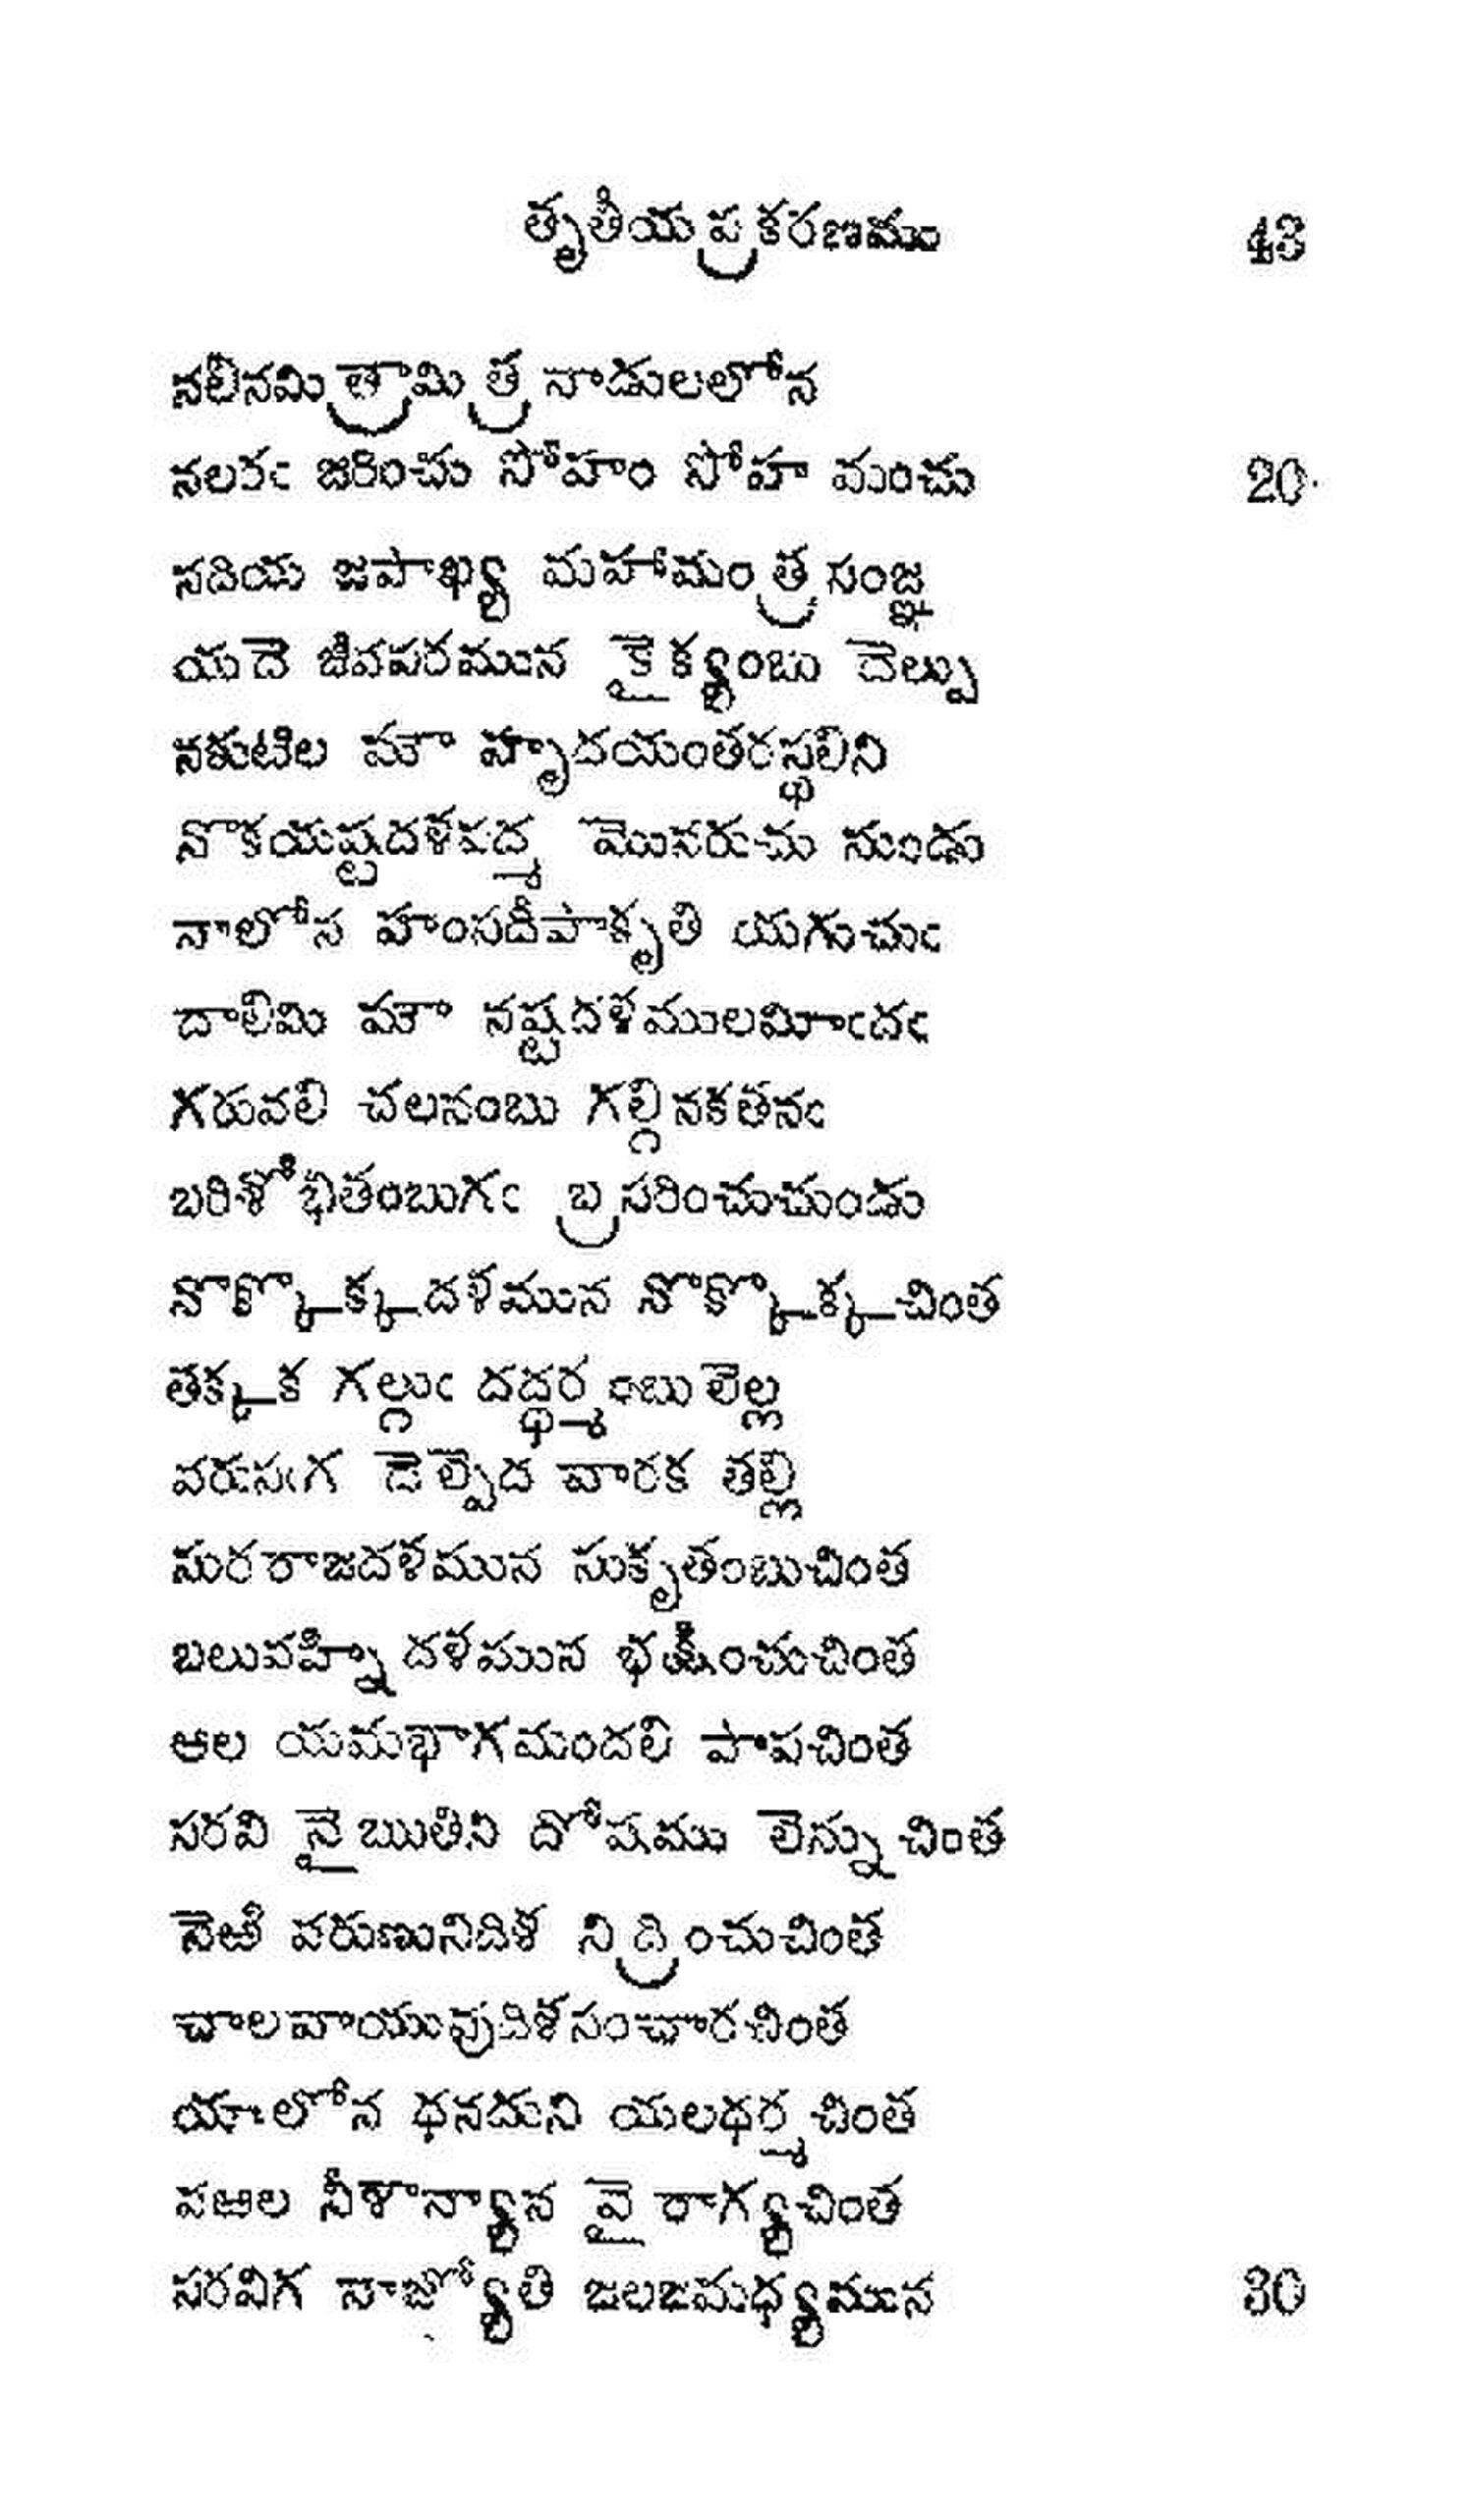నలినమిత్రామిత్రనాడులలోన
నలరఁ జరించు సోహం సోహ మంచు
నదియ జపాఖ్య మహామంత్రసంజ్ఞ
యదె జీవపరమున కైక్యంబు దెల్పు
నకుటిల మౌ హృదయంతరస్థలిని
నొకయష్టదళపద్మ మొనరుచు నుండు
నాలోన హంసదీపాకృతి యగుచుఁ
దాలిమి మౌ నష్టదళములమీఁదఁ
గరువలి చలనంబు గల్గినకతనఁ
బరిశోభితంబుగఁ బ్రసరించుచుండు
నొక్కొక్కదళమున నొక్కొక్కచింత
తక్కక గల్గుఁ దద్ధర్మంబులెల్ల
వరుసఁగ దెల్పెద వారక తల్లి
సురరాజదళమున సుకృతంబుచింత
బలువహ్నిదళమున భక్షించుచింత
ఆల యమభాగమందలి పాపచింత
సరవి నైఋతిని దోషము లెన్నుచింత
నెఱి వరుణునిదిశ నిద్రించుచింత
చాలవాయువుదిశ సంచారచింత
యాలోన ధనదుని యలధర్మచింత
వఱల నీశాన్యాన వైరాగ్యచింత
సరవిగ నాజ్యోతి జలజమధ్యమున